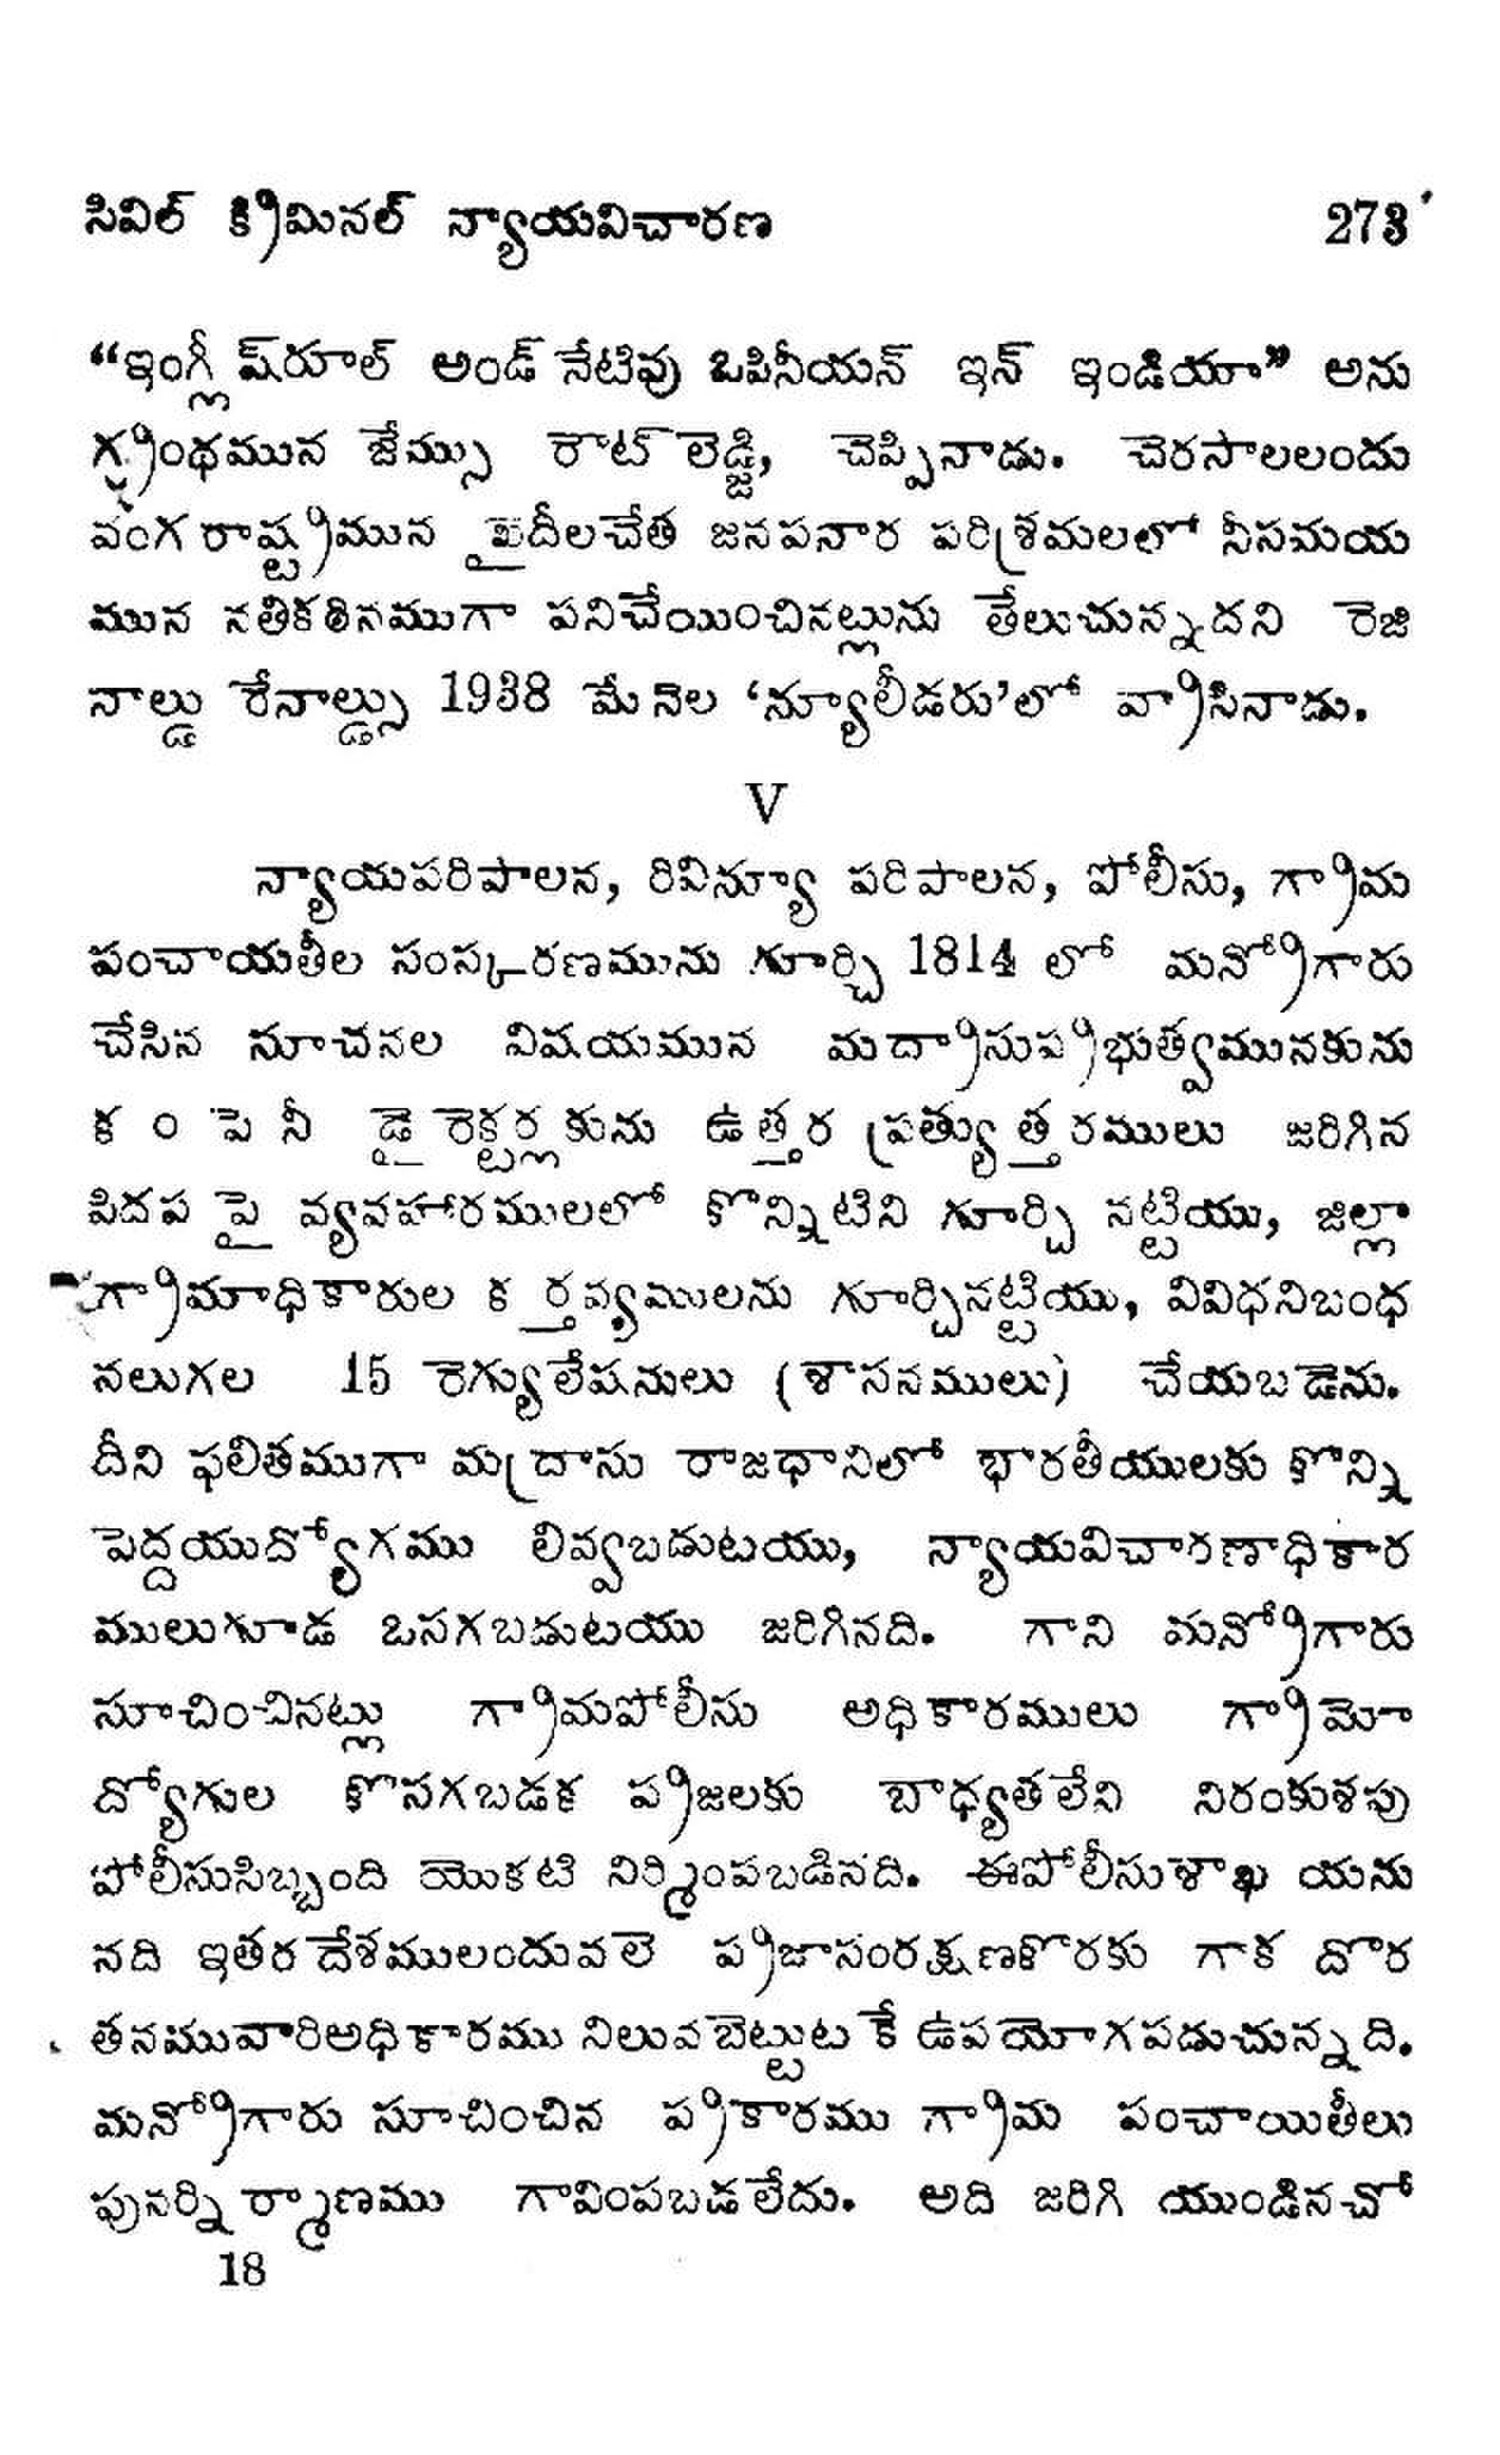“ఇంగ్లీష్‌రూల్ అండ్ నేటివు ఒపినీయన్ ఇన్ ఇండియా" అను గ్రంథమున జేమ్సు రౌట్‌లెడ్జి, చెప్పినాడు. చెరసాలలందు వంగరాష్ట్రమున ఖైదీలచేత జనపనార పరిశ్రమలలో నీసమయమున నతికఠినముగా పనిచేయించినట్లును తేలుచున్నదని రెజినాల్డు రేనాల్డ్సు 1938 మేనెల 'న్యూలీడరు'లో వ్రాసినాడు.

V

న్యాయపరిపాలన, రివిన్యూ పరిపాలన, పోలీసు, గ్రామపంచాయతీల సంస్కరణమును గూర్చి 1814 లో మన్రోగారు చేసిన సూచనల విషయమున మద్రాసుప్రభుత్వమునకును కంపెనీ డైరెక్టర్లకును ఉత్తర ప్రత్యుత్తరములు జరిగిన పిదప పై వ్యవహారములలో కొన్నిటిని గూర్చినట్టియు, జిల్లా గ్రామాధికారుల కర్తవ్యములను గూర్చనట్టియు, వివిధనిబంధనలుగల 15 రెగ్యులేషనులు (శాసనములు) చేయబడెను. దీని ఫలితముగా మద్రాసు రాజధానిలో భారతీయులకు కొన్ని పెద్దయుద్యోగము లివ్వబడుటయు, న్యాయవిచారణాధికారములుగూడ ఒసగబడుటయు జరిగినది. గాని మన్రోగారు సూచించినట్లు గ్రామపోలీసు అధికారములు గ్రామోద్యోగుల కొసగబడక ప్రజలకు బాధ్యతలేని నిరంకుశపు పోలీసుసిబ్బంది యొకటి నిర్మింపబడినది. ఈపోలీసుశాఖ యనునది ఇతరదేశములందువలె ప్రజాసంరక్షణకొరకు గాక దొరతనమువారి అధికారము నిలువబెట్టుట కే ఉపయోగపడుచున్నది. మన్రోగారు సూచించిన ప్రకారము గ్రామ పంచాయితీలు పునర్నిర్మాణము గావింపబడలేదు. అది జరిగి యుండినచో